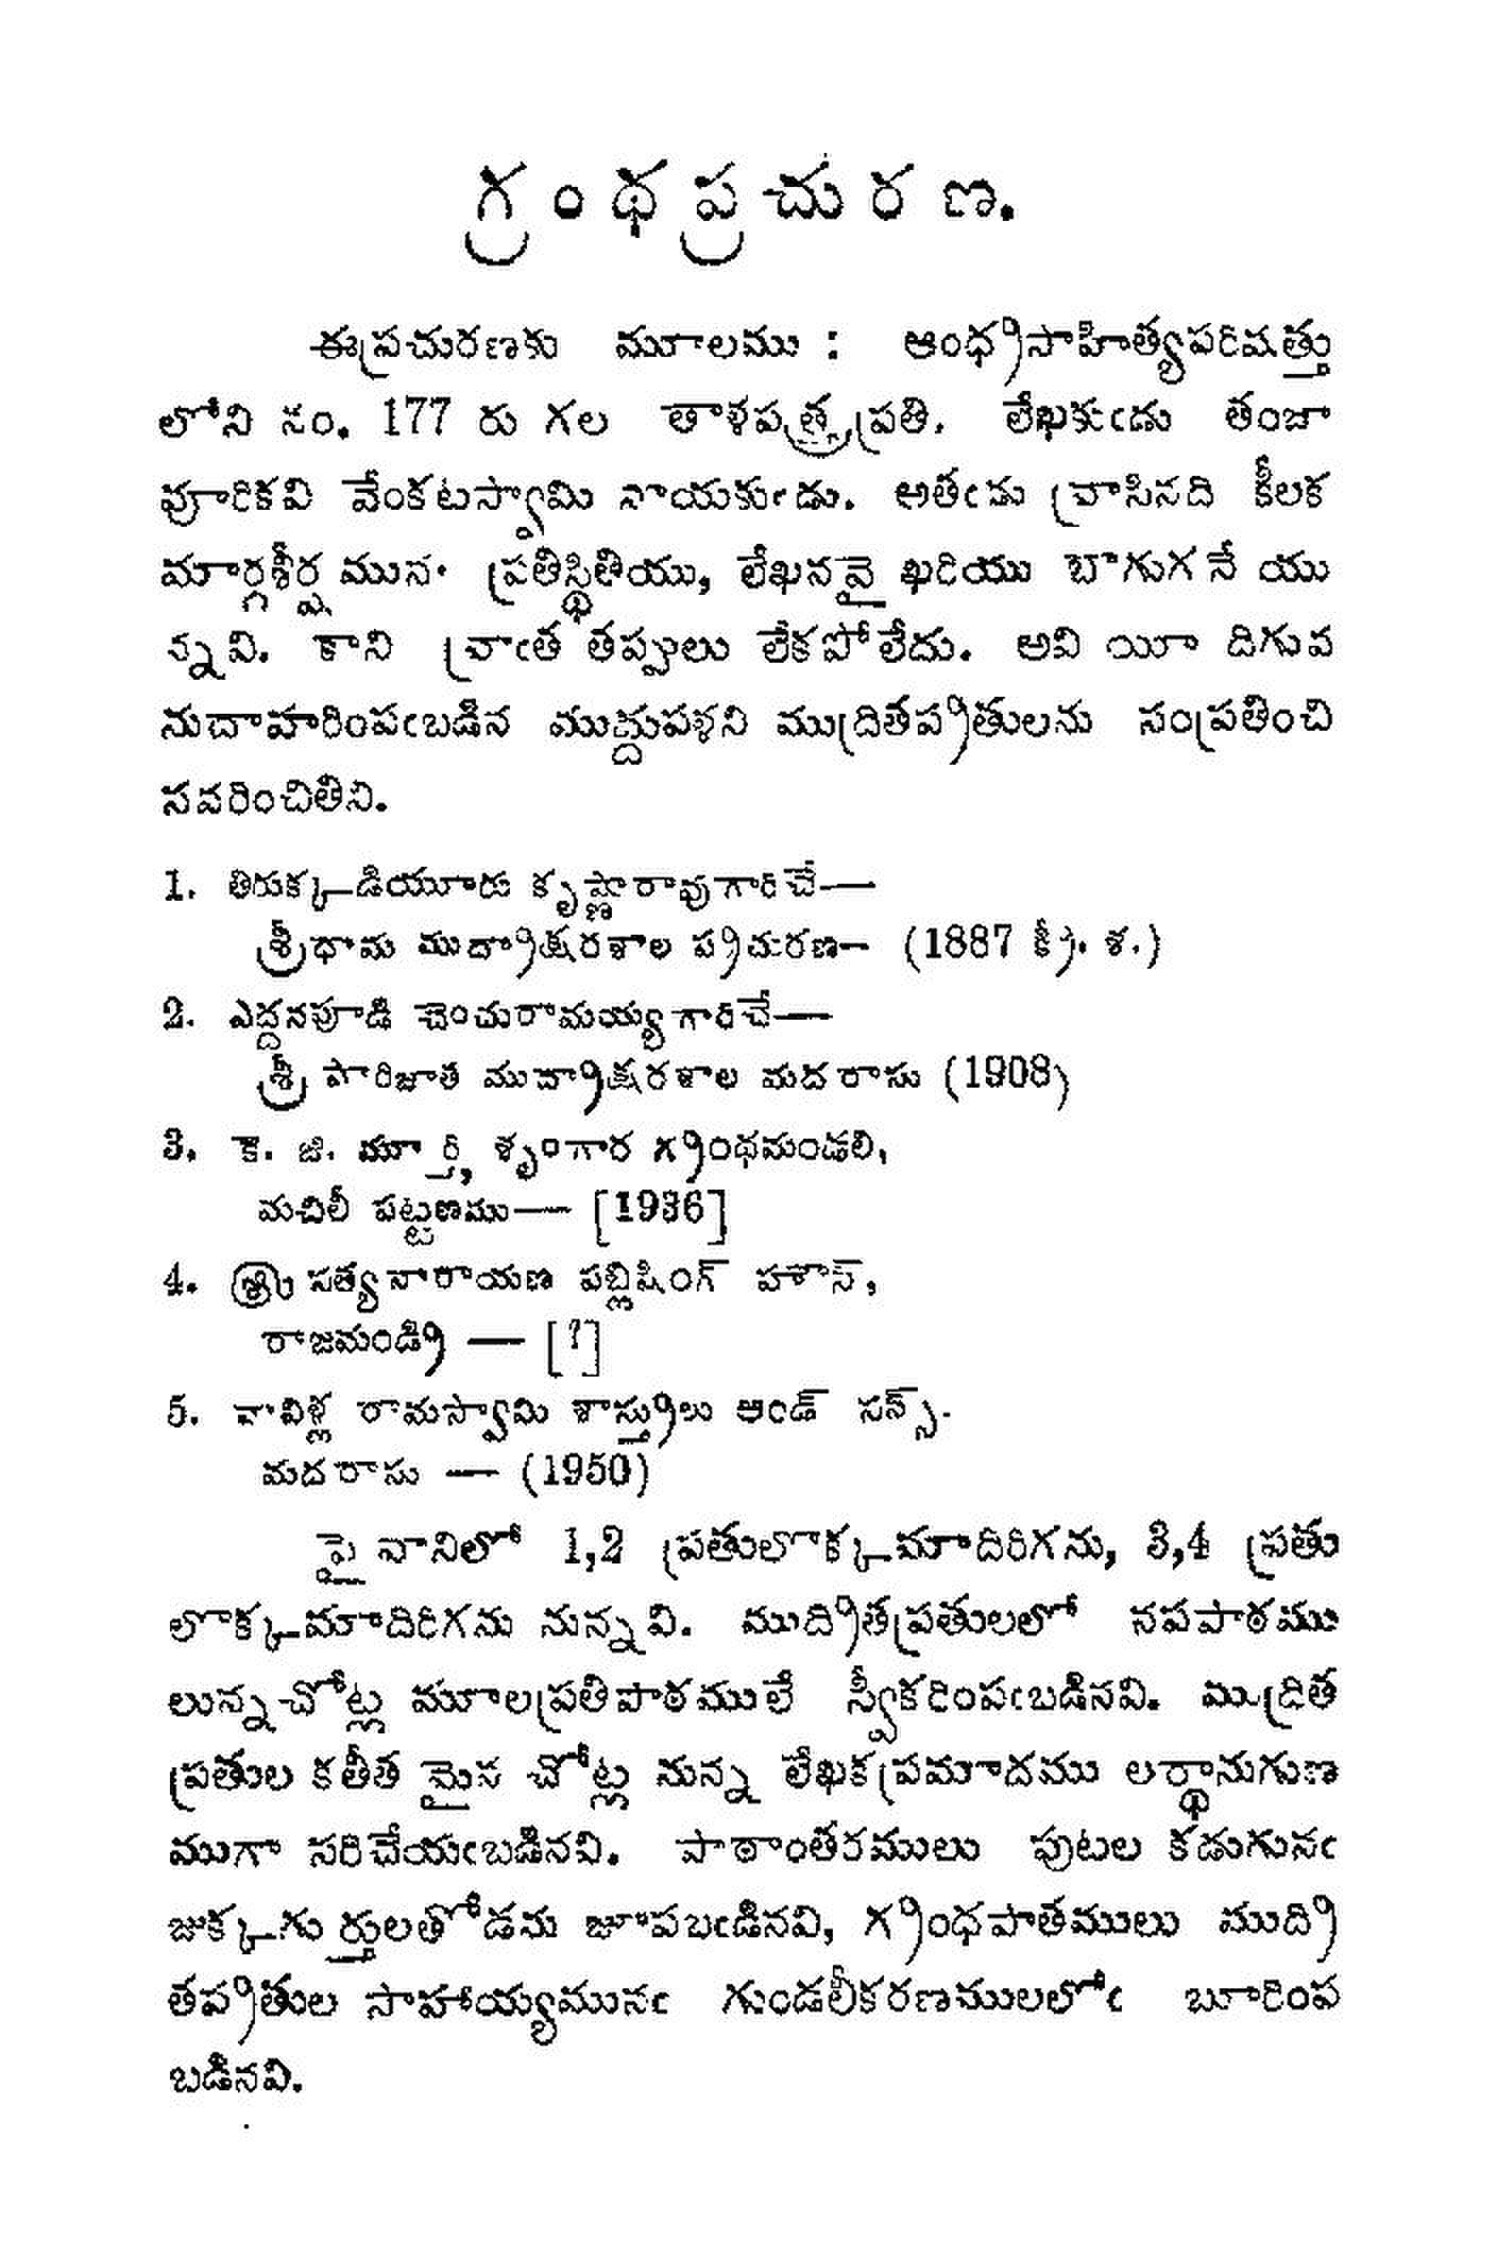ఈ ప్రచురణకు మూలము : ఆంధ్రసాహిత్యపరిషత్తులోని సం. 177 రు గల తాళపత్త్రప్రతి. లేఖకుఁడు తంజావూరికవి వేంకటస్వామి నాయకుఁడు. అతఁడు వ్రాసినది కీలక మార్గశీర్షమున. ప్రతిస్థితియు, లేఖనవైఖరియు బాగుగనే యున్నవి. కాని వ్రాఁతతప్పులు లేకపోలేదు. అవి యీ దిగువ నుదాహరింపఁబడిన ముద్దుపళని ముద్రితప్రతులను సంప్రతించి సవరించితిని.
1. తిరుక్కడియూరు కృష్ణారావు గారిచే-
శ్రీధామ ముద్రాక్షరశాల ప్రచురణ- (1887 క్రీ. శ.)
2. ఎద్దనపూడి చెంచురామయ్య గారిచే -
శ్రీ పారిజాత ముద్రాక్షరశాల మదరాసు (1908)
3. కె.జి. మూర్తి, శృంగార గ్రంథమండలి, మచిలీపట్టణము - (1936]
4. శ్రీ సత్యనారాయణ పబ్లిషింగ్ హౌస్, రాజమండ్రి - [?]
5. వావిళ్ల రామస్వామి శాస్త్రులు అండ్ సన్స్. మదరాసు - (1950)
పై వానిలో 1,2 ప్రతు లొక్కమాదిరిగను, 3,4 ప్రతు లొక్కమాదిరిగను నున్నవి. ముద్రితప్రతులలో నపపాఠము లున్నచోట్ల మూలప్రతిపాఠములే స్వీకరింపఁబడినవి. ముద్రితప్రతుల కతీతమైన చోట్ల నున్న లేఖకప్రమాదము లర్థానుగుణముగా సరిచేయఁబడినవి. పాఠాంతరములు పుటల కడుగునఁ జుక్కగుర్తులతోడను జూపఁబడినవి, గ్రంధపాతములు ముద్రితపతుల సాహాయ్యమునఁ గుండలీకరణములలోఁ బూరింపఁబడినవి.